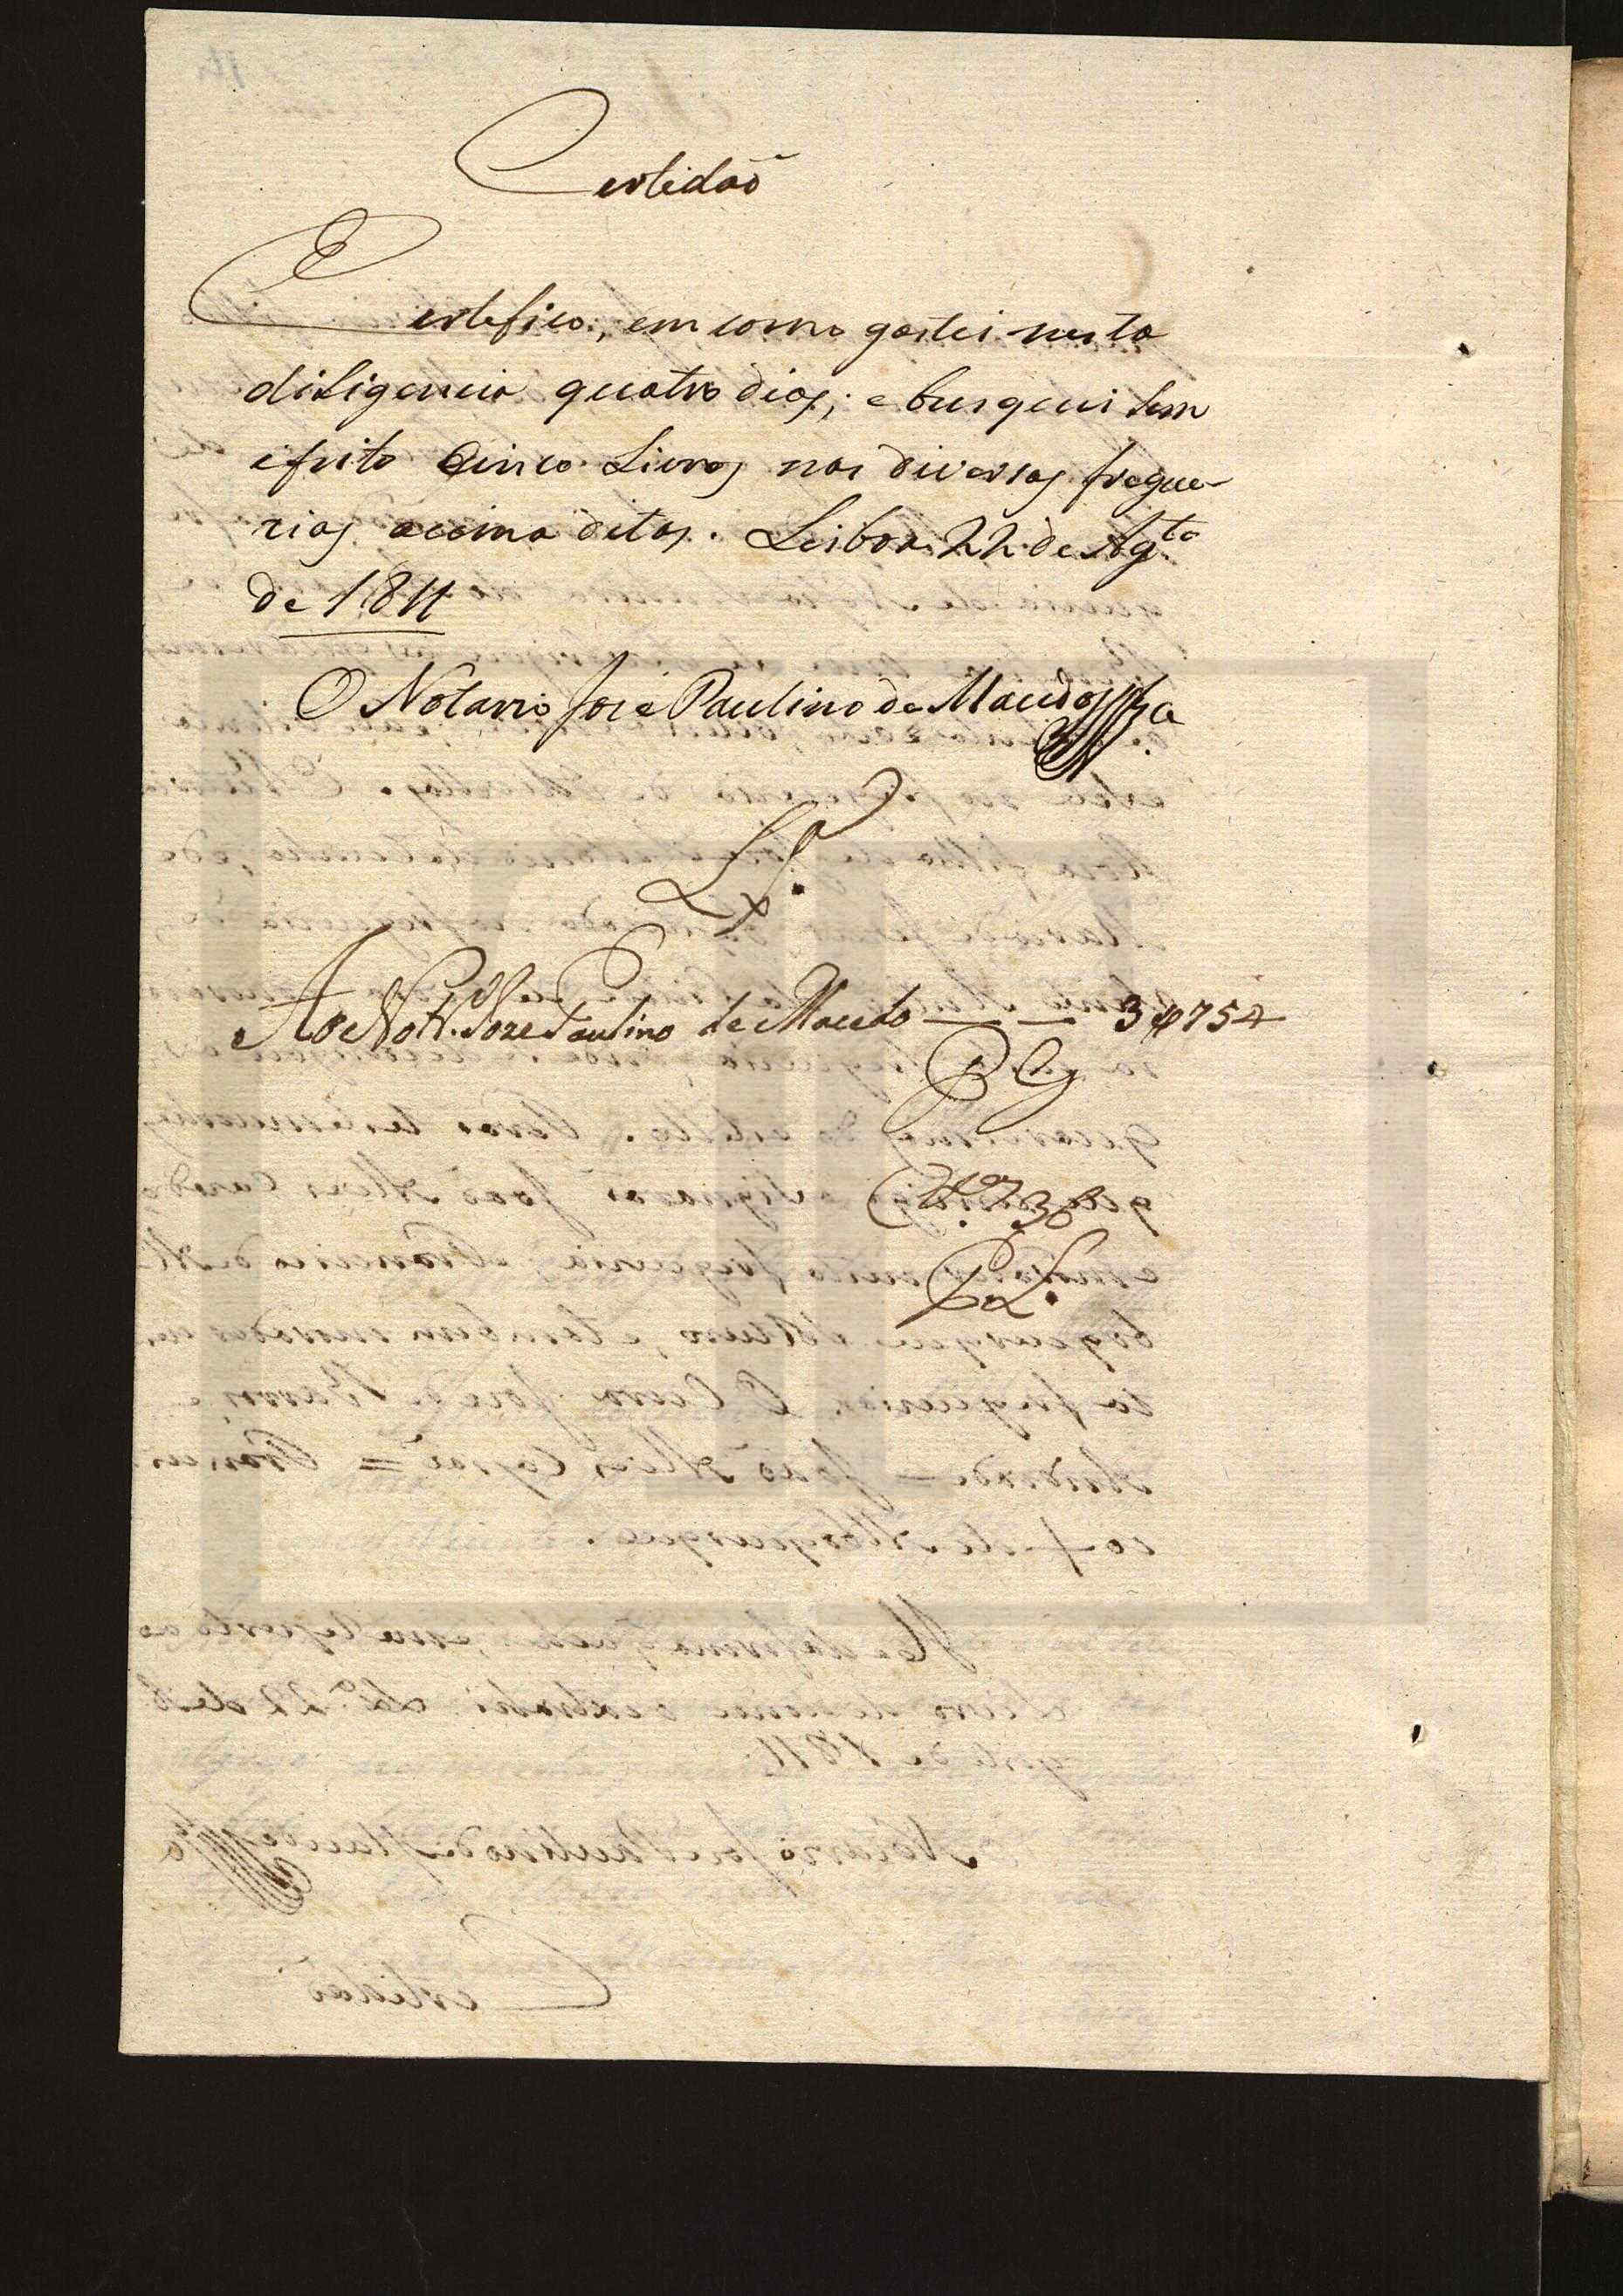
Certidaõ
Certifico, em como gastei nesta
diligencia quatro dias; e busquei sem
efeito cinco Livros nas diversas freque
zias acima ditas. Lisboa 22 de Ag.to
de 1811
O Notario Joze Paulino de Macedo
Ao Notr.o Ioze Paulino de Macedo
3$754
PG
